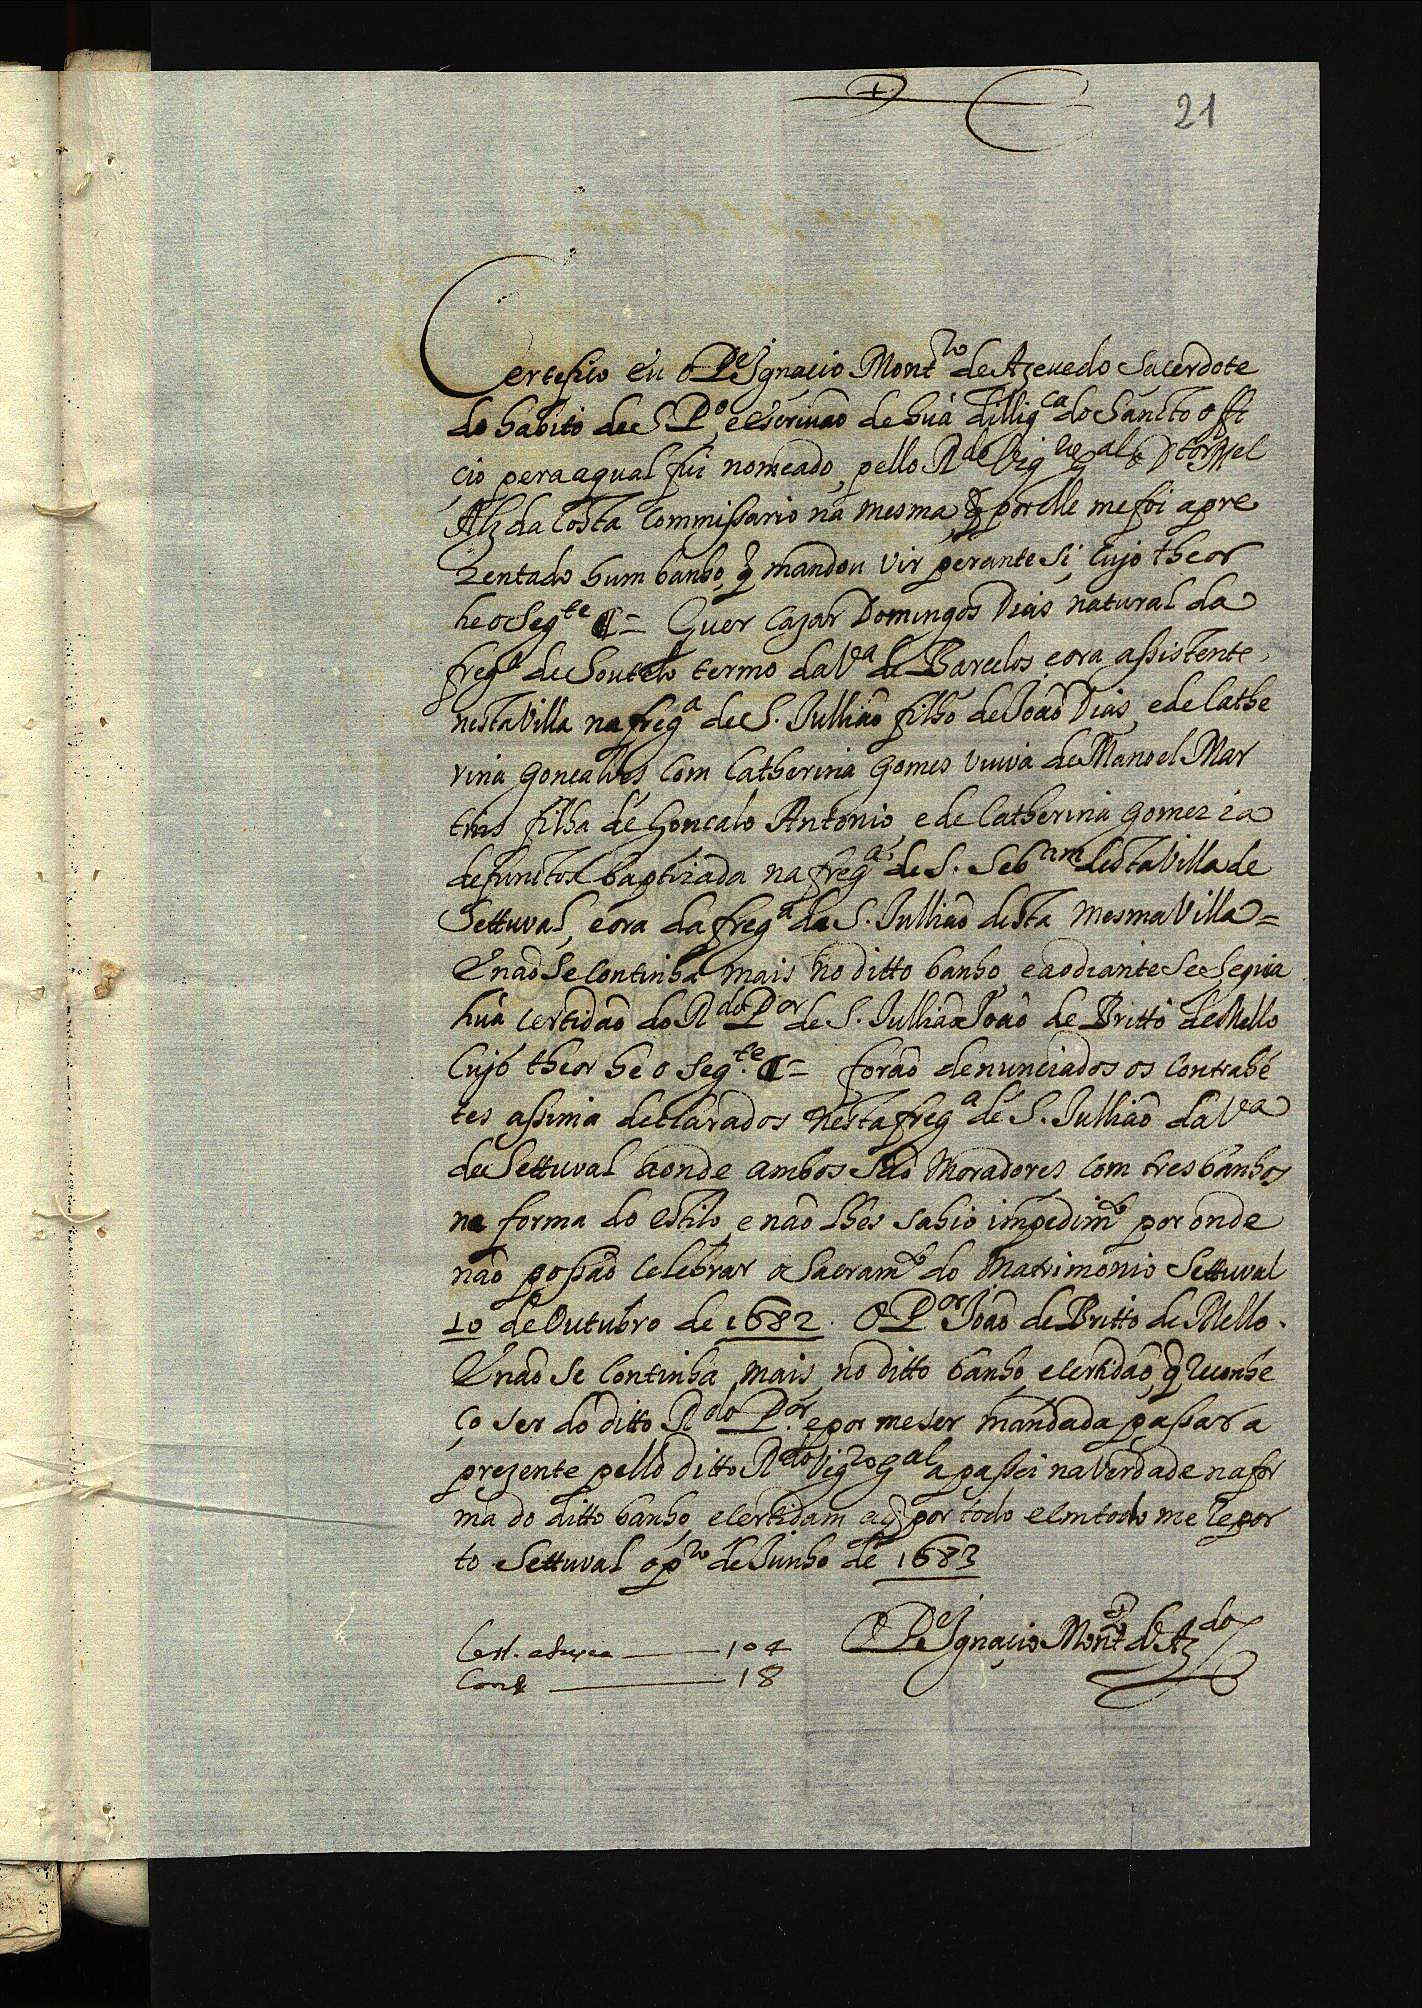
Certefico eu o Pe Ignacio Montro de Azeuedo Sacerdote
do habito de S Po, e escriuaõ de huā dilligca do Sancto offi
cio pera a qual fui nomeado, pello Rdo Vigro gal o Dtor Mel
Alz̄ da Costa commissario na mesma, q̄ por elle me foi apre
zentado hum banho, q̄ mandou vir perante si, cujo theor
he o segte ⁋= Quer cazar Domingos Dias natural da
frega de Soutelo, termo da Va de Barcelos e ora assistente
nesta Villa na frega de S. Iullião filho de Ioão Dias, e de Cathe
rina Gonçalves, com Catherina Gomes viuva de Manoel Mar
tins filha de Gonçalo Antonio, e de Catherina Gomez ia
defunctos baptizada na frega de S. Sebam desta Villa de
Settuval, e ora da freg.a de S. Iulliaõ desta mesma Villa
E não se continha mais no ditto banho, e ao diante se seguia
huā certidaõ do Rdo Por de S. Iulliaõ Ioaõ de Britto de Mello
Cujo theor he o seg.te ⁋= forão denunciados os contrahē
tes assima declarados nesta frega de S. Iulliaõ da Va
de Settuval aonde ambos saõ moradores, com tres banhos
na forma do estilo, e naõ lhes sahio impedimto por onde
naõ possaõ celebrar o Sacramto do matrimonio Settuval
10 de Outubro de 1682. O Por Ioão de Britto de Mello
E naõ se continha, mais no ditto banho, e certidaõ, q̄ Reconhe
ço ser do ditto Rdo P.or e por me ser mandada passar a
prezente pello ditto Rdo Vigro Gal a passei na verdade na for
ma do ditto banho, e certidam a q̄ por todo e em todo me Repor
to Settuval o pro de Iunho de 1683
O Pe Ignacio Montro de Azdo
104
Cert. e busca
18
cont
